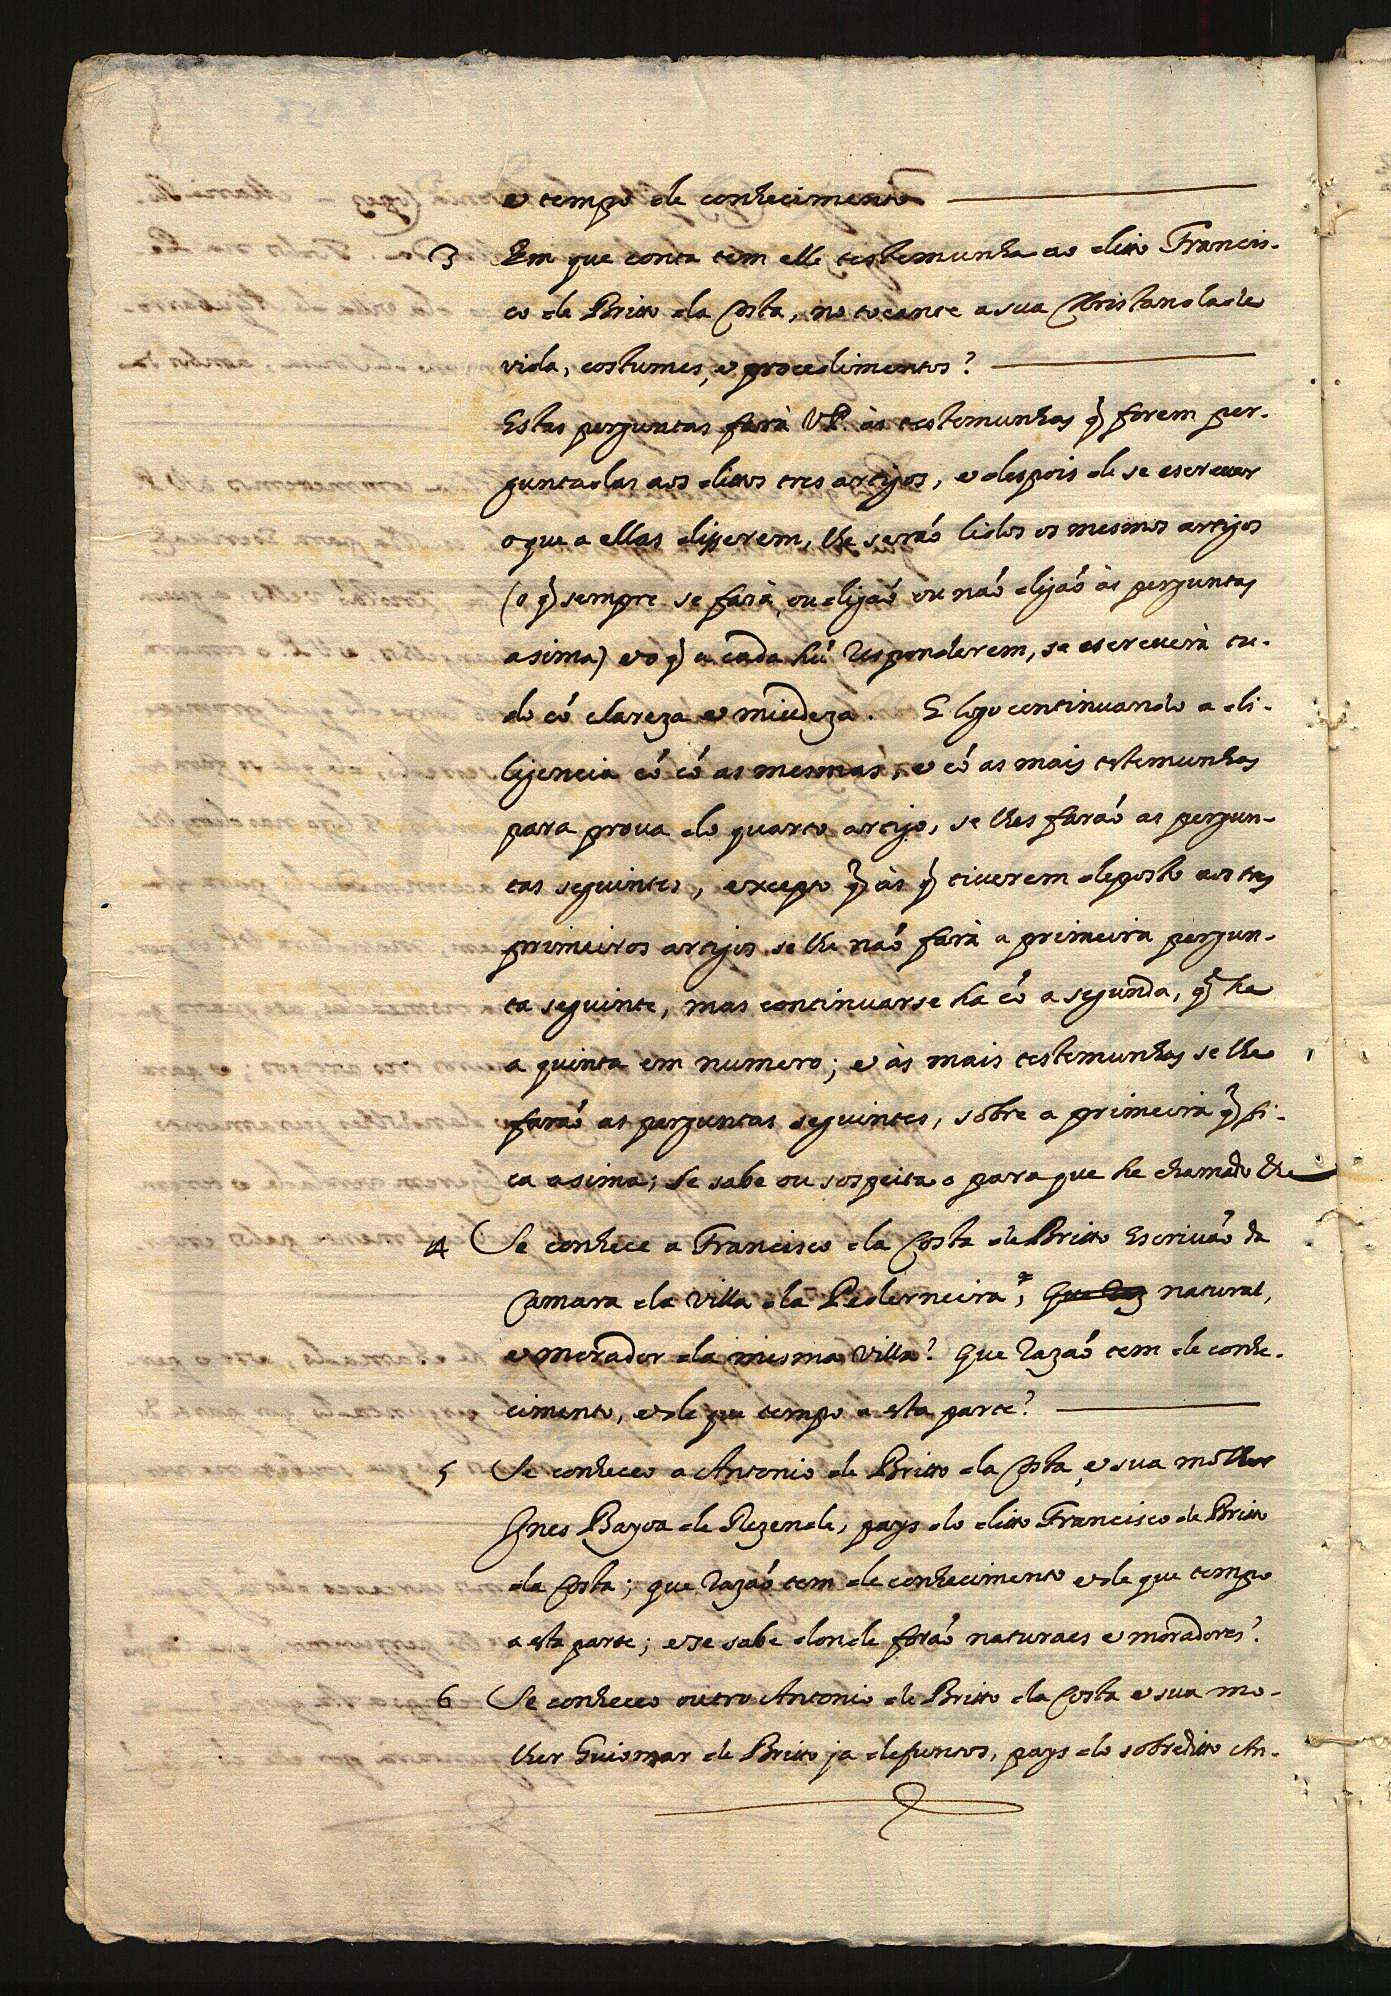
e tempo de conhecimento
3 Em que conta tem elle testemunha ao ditto Francis
co de Britto da Costa, no tocante a sua Christandade
vida, costumes, e procedimentos?
Estas perguntas fará VP. às testemunhas q̄ forem per
guntadas aos dittos tres artigos, e despois de se escreuer
o que a ellas disserem, lhe seraõ lidos os mesmos artigos
(o q̄ sempre se farà, ou digaõ ou naõ digaõ às perguntas
asima) e o q̄ a cada hū responderem, se escreuerà tu
do cō clareza e miudeza. E logo continuando a di
ligencia cō cō as mesmas, e cō as mais testemunhas
para proua do quarto artigo, se lhes faraõ as pergun
tas seguintes, excepto q̄ às q̄ tiuerem deposto aos tres
primeiros artigos se lhe naõ farà a primeira pergun
ta seguinte, mas continuarse ha cō a segunda, q̄ he
a quinta em numero; e às mais testemunhas se lhe
faraõ as perguntas seguintes, sobre a primeira q̄ fi
ca asima; se sabe ou sospeita o para que he chamado &a
4 Se conhece a Francisco da Costa de Britto Escriuaõ da
Camara da villa da Pederneira, que Raz natural,
e morador da mesma villa? que Razaõ tem de conhe
cimento, e de que tempo a esta parte?
5 Se conheceo a Antonio de Britto da Costa, e sua molher
Jnes Bayoa de Rezende, pays do ditto Francisco de Britto
da Costa; que razaõ tem de conhecimento e de que tempo
a esta parte; e se sabe donde foraõ naturaes e moradores?
6 Se conheceo outro Antonio de Britto da Costa e sua mo
lher Guiomar de Britto ja defuntos, pays do sobreditto An
